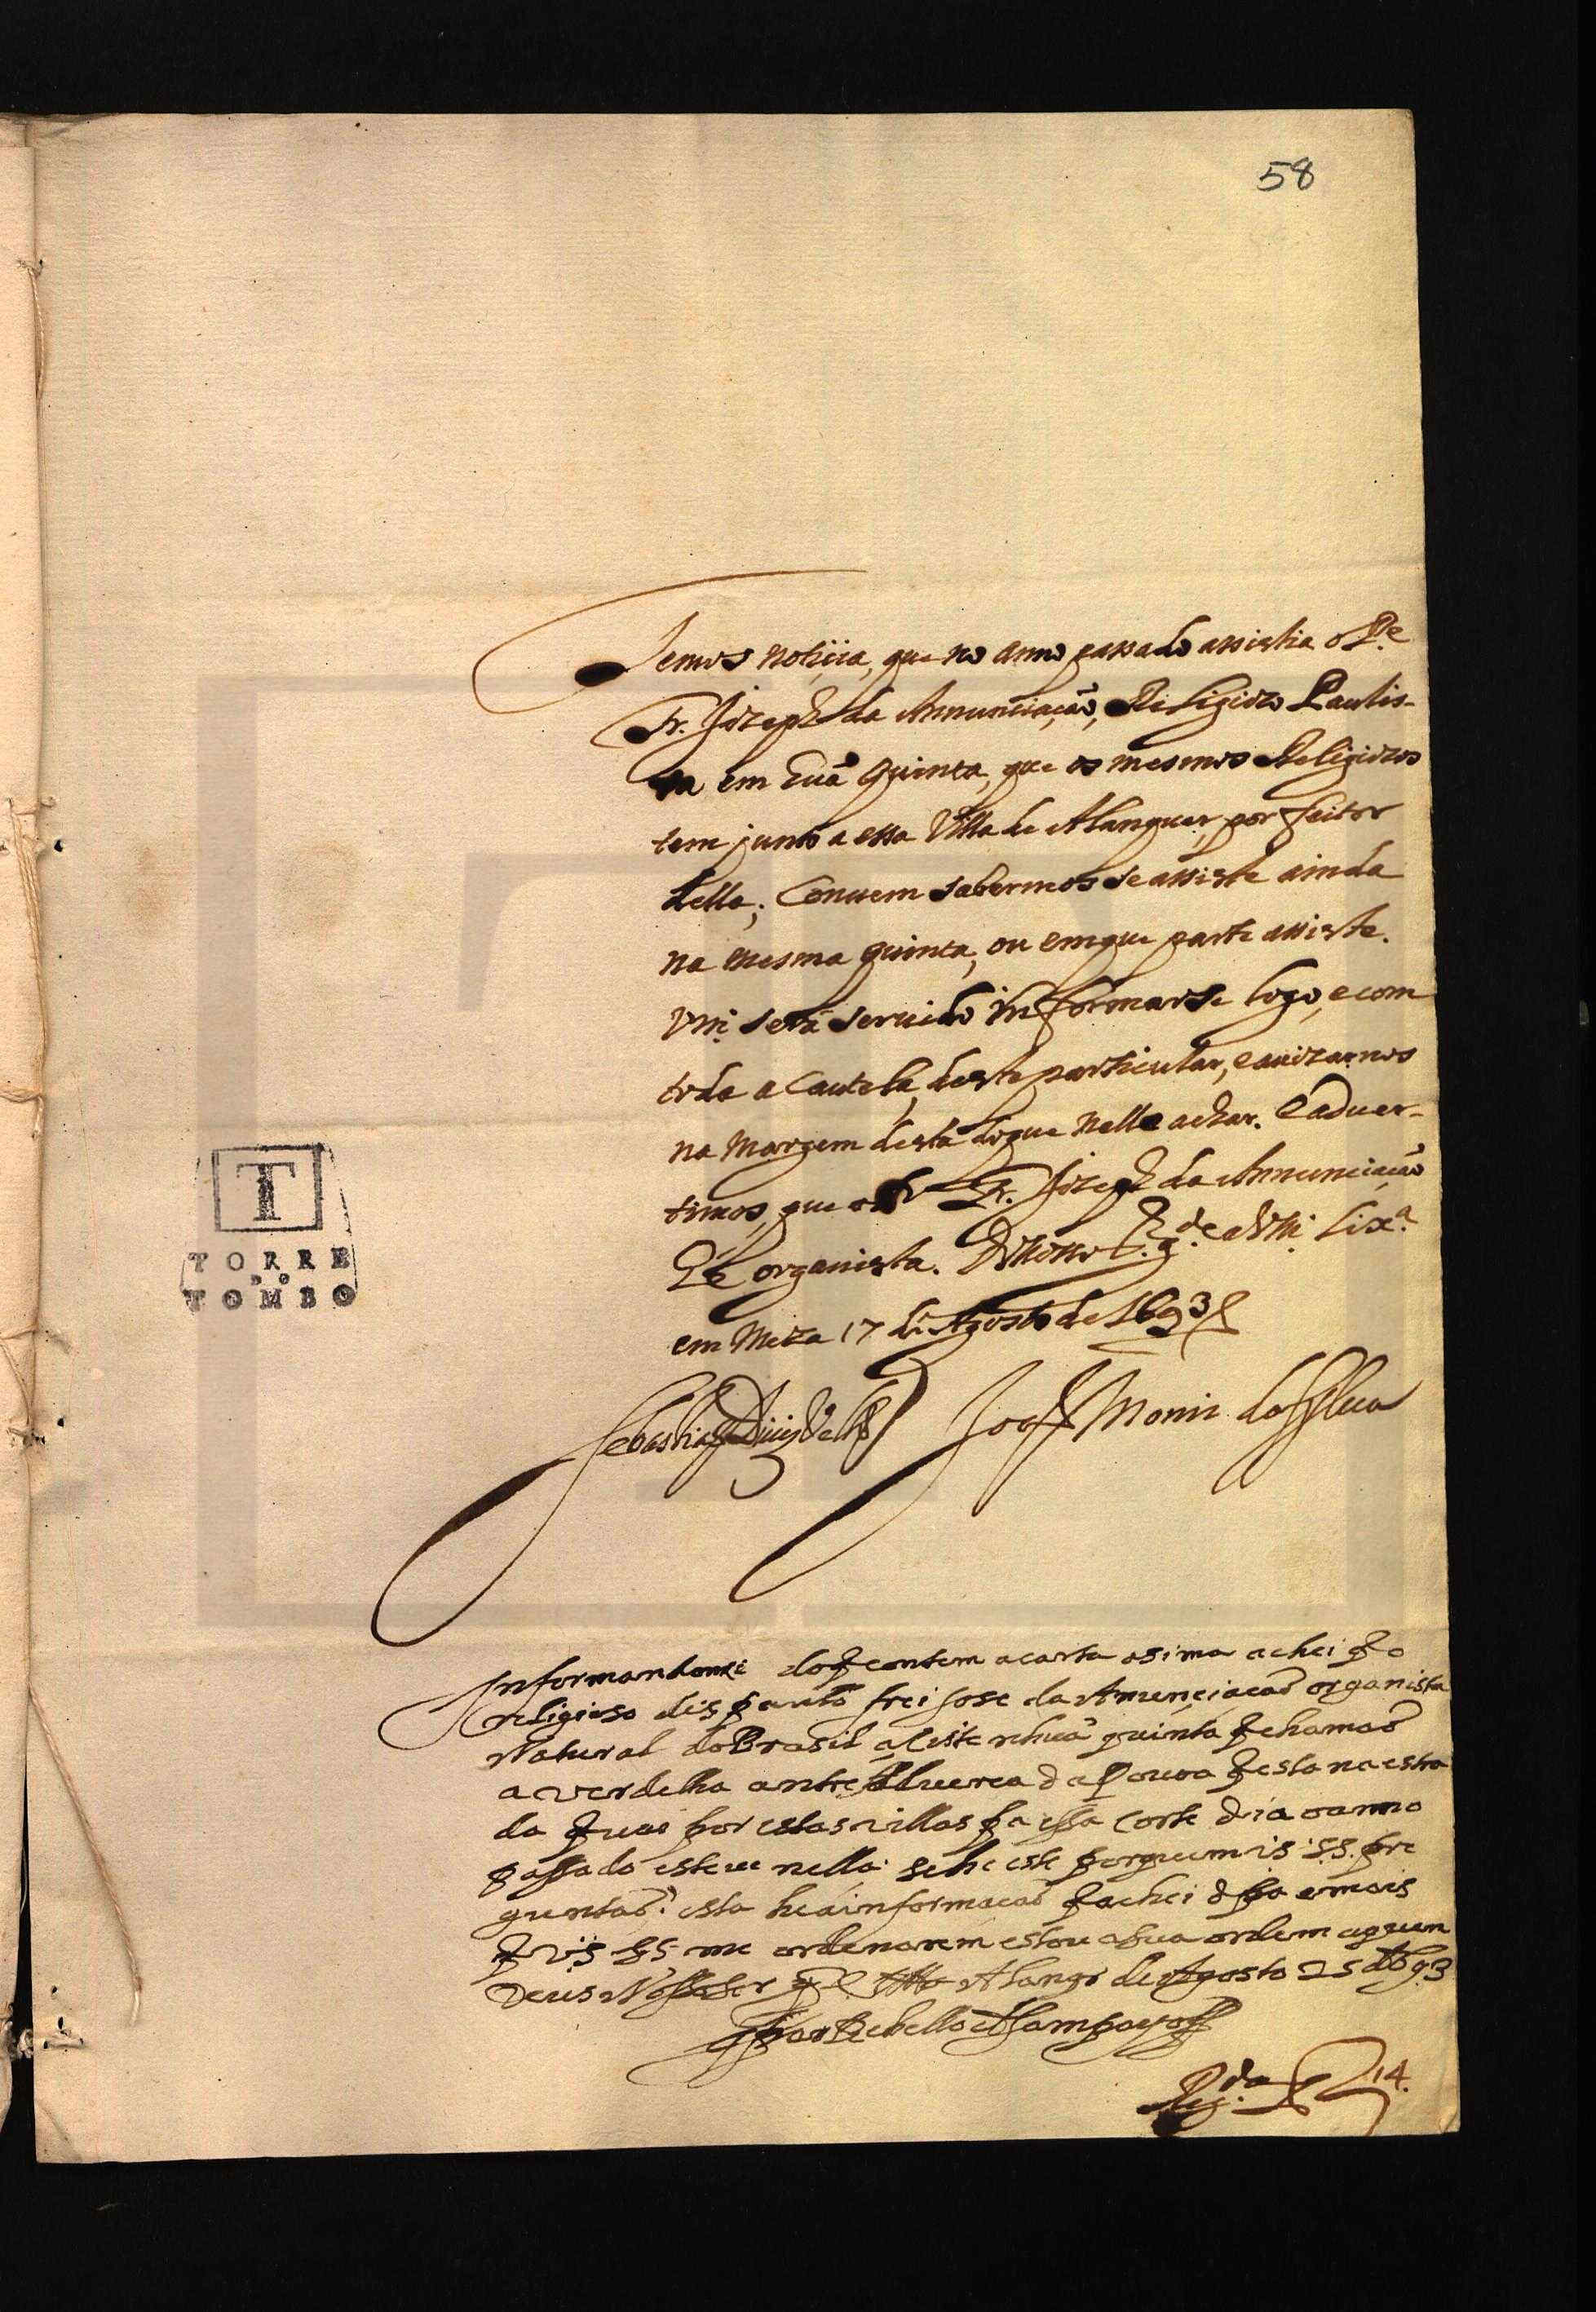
Temos noticia, que no anno passado assistia o P.e
Fr. Jozeph da Annunciaçaõ, Religiozo Paulis
ta em huā quinta, que os mesmos Religiozos
tem junto a essa Villa de Alanquer, por feitor
della, Conuem sabermos se assiste ainda
na mesma quinta, ou em que parte assiste.
vm sera seruido informarse logo, e com
toda a Cautela deste particular, e auizarnos
na margem desta do que nelle achar. E aduer
timos, que o R Fr. Jozeph da Annunciaçaõ
hé organista. Ds nosso s.r g.de a V M lix.a
em meza 17 de Agosto de 1693
Sebastiaõ Diniz Velho
Joaõ Moniz da Sylua
Jnformandome do q̄ contem a carta asima achei q̄ o
religioso de s paulo frei Jose da Anunciaçaõ organista
natural do Brasil aciste nhuā quinta q̄ chamaõ
a verdelha antre Aluerca da Pouoa q̄ esta na estra
da q̄ uai por estas villas pa essa corte de ia o anno
passado esteue nella; se he este por quem Vs SS. pre
guntaõ. esta he a informaçaõ q̄ achei disso e mais
q̄ VS SS me ordenarem estou a sua ordem a quem
Deus Nosso sor ge ettta Alanqr de Agosto 25 d̄ 693
gpar Rebello d̄ Sampayo
Reg.da fl14.
